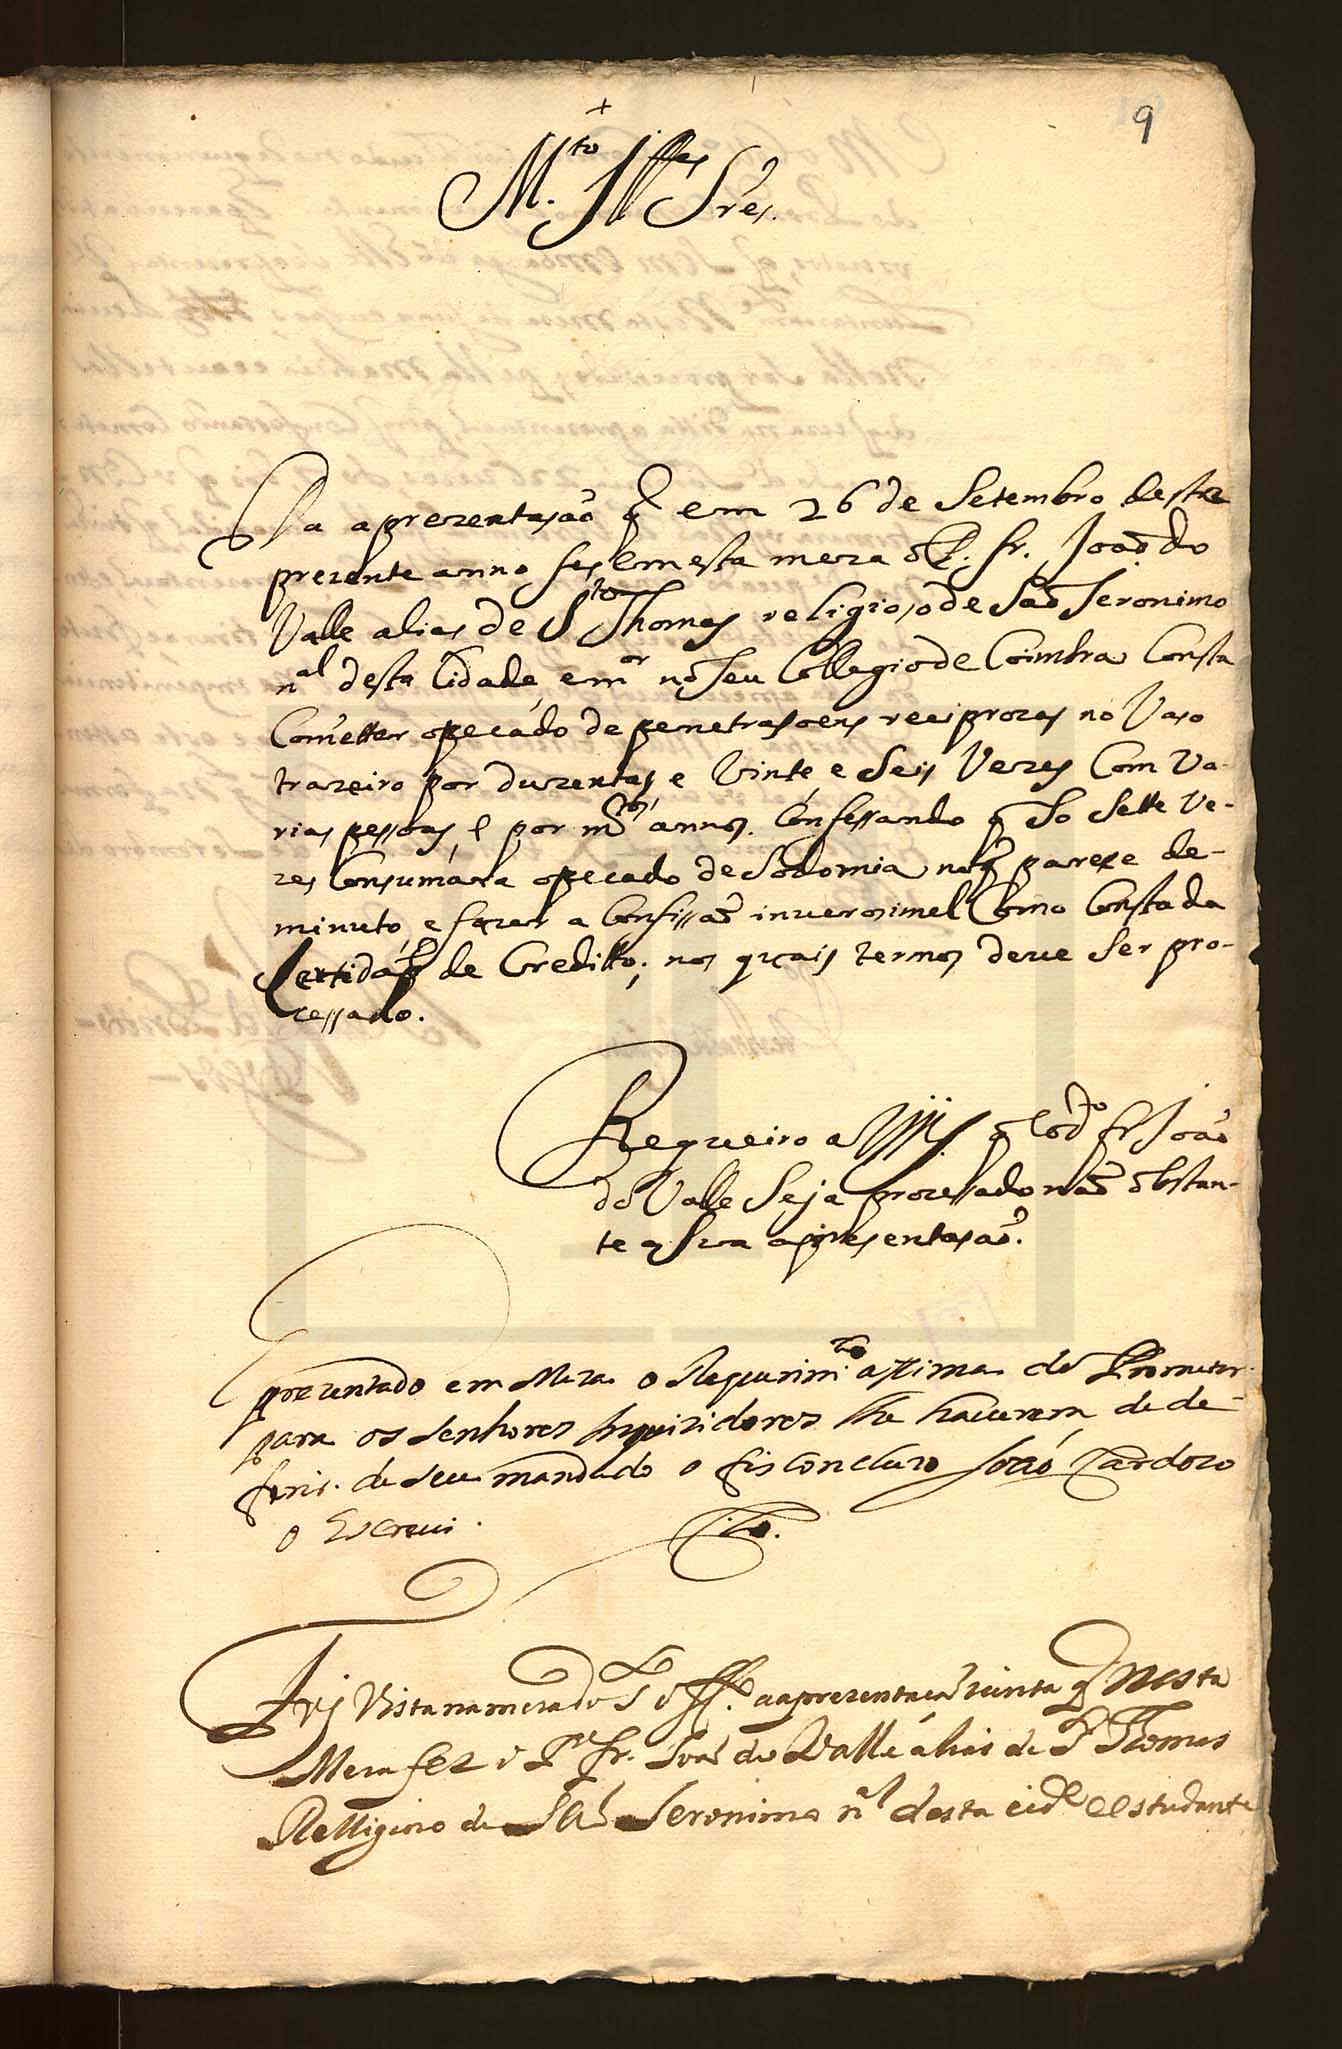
M.to Jlles Srēs.
Da aprezentasaõ q̄ em 26 de Setembro deste
prezente anno fes em esta meza o P. fr. Joaõ do
Valle alias de Sto Thomas religioso de Saõ Ieronimo
nal desta Cidade, e mor no Seu Collegio de Coimbra Consta
Com̄etter o pecado de penetrasoens reciprocas no Vaso
trazeiro por duzentas, e Vinte, e Seis Vezes Com va
rias pessoas, e por mtos annos. confessando q̄ So Sette ve
zes Consumara o pecado de Sodomia no q̄ parece de
minuto, e fazer a Confissaõ inuerosimel Como Consta da
Certidaõ de Creditto; nos quais termos deue ser pro
cessado.
Requeiro a V M̄s. q̄ ho do fr Ioaõ
do Valle Seja processado naõ obstan
te a Sua apresentasaõ.
E prezentado em Meza o Requerim.to assima do Prometor
para os senhores Inquizidores lhe hauerem de de
ferir. de seu mandado o fis concluzo Joaõ Cardozo
o Escreui.
Clo.
Foj Vista na meza do Sto off.o a aprezentaçaõ iunta q̄ nesta
Meza fez o Pe fr. Ioaõ do Valle alias de Sto Thomas
Relligiozo de Saõ Ieronimo nal desta cide e estudante
